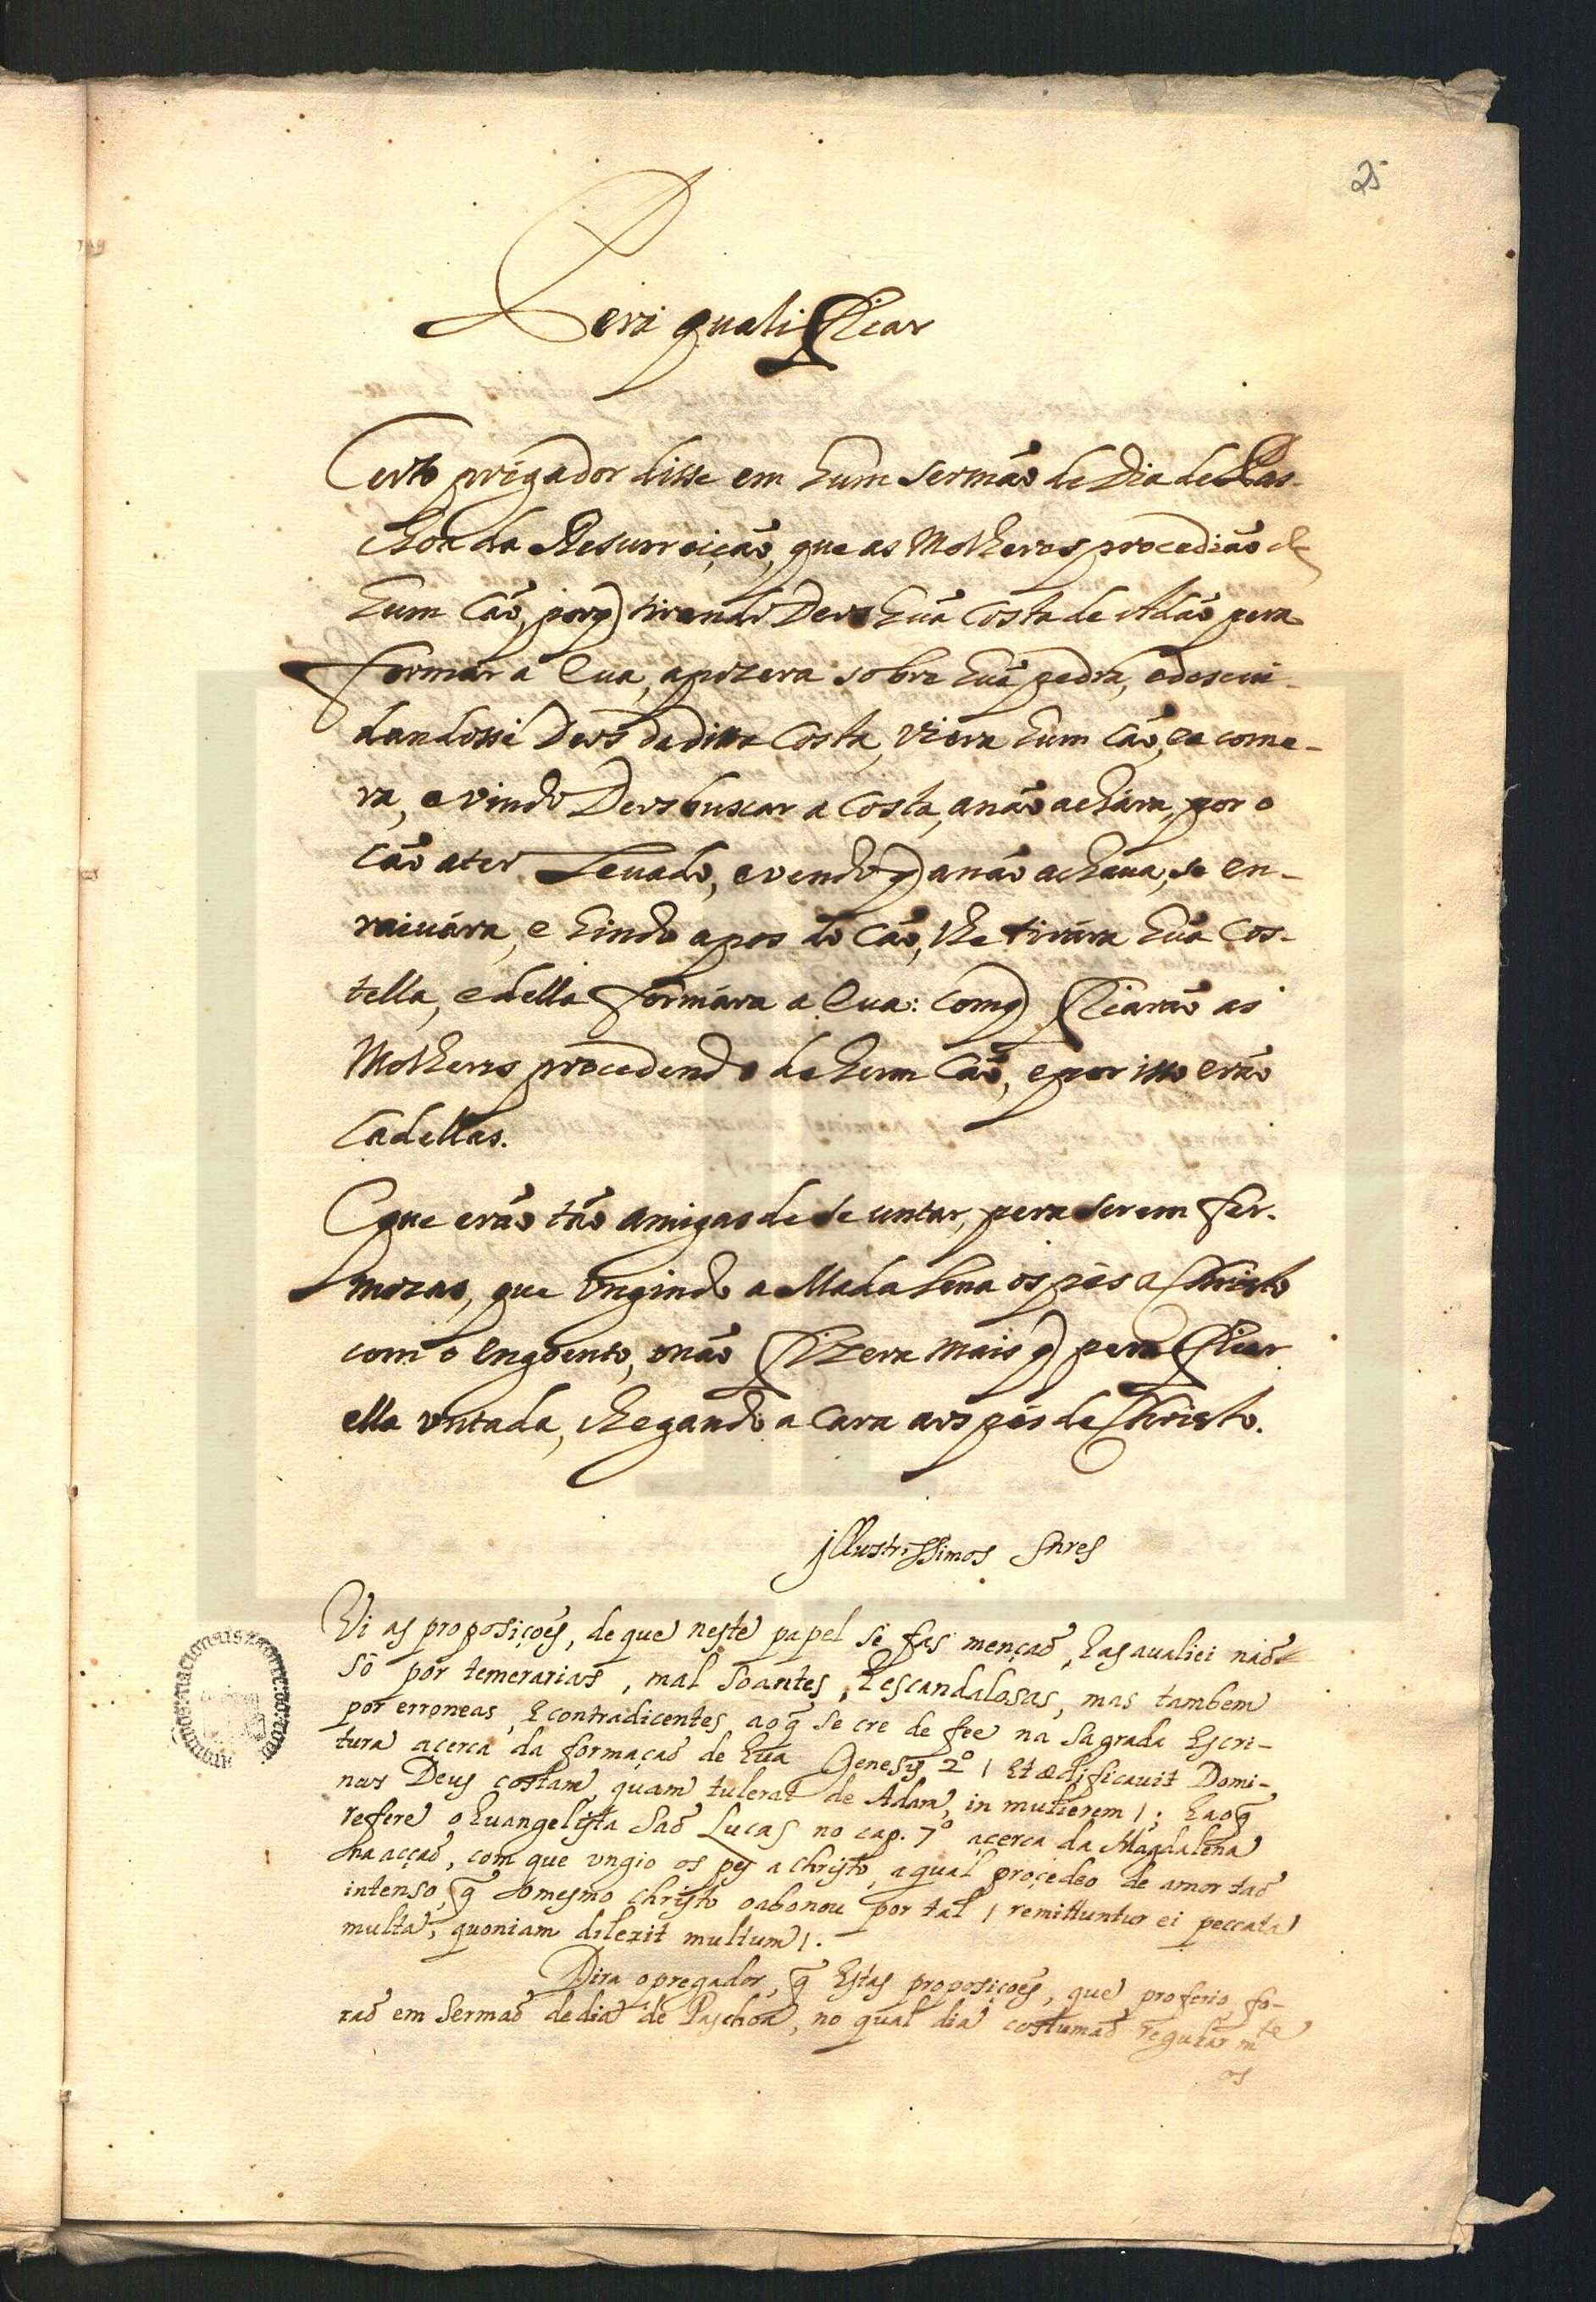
Pera qualificar
Certo pregador disse em hum sermaõ de Dia de Pas
choa da Resurreiçaõ, que as molheres procediaõ de
hum caõ, porq̄ tirando Deos huā Costa de Adaõ pera
formar a Eua, a pozera sobre huā pedra, e descui
dandosse Deos da ditta Costa, viera hum caõ, e a come
ra, e vindo Deos buscar a costa, a naõ achara, por o
caõ a ter Leuado, e vendo q̄ a naõ achaua, se en
raiuára, e hindo apos do caõ, lhe tirára huā cos
tella, e della formara a Eua: com q̄ ficaraõ as
molheres procedendo de hum caõ, e por isso eraõ
Cadellas.
E que eraõ tão amigas de se untar, para serem fer
mozas, que vngindo a Madalena os pés a Christo
com o engoento, o naõ fizera mais q̄ pera ficar
ella vntada, chegando a cara aos pés de Christo.
jllustrissimos Snres
Vi as proposiçoẽs, de que neste papel se fas mençaõ, E as aualiei naõ
só por temerarias, mal soantes, escandalosas, mas tambem
por erroneas, E contradicentes ao q̄ se cre de fee na Sagrada Escri
tura acerca da formaçaõ de hūa Genesis 2o / Et ædificauit Domi
nus Deus costam, quam tulerat de Adam, in mulierem /; E ao q̄
refere o Euangelista Saõ Lucas no cap. 7o acerca da Magdalena
na acçaõ, com que vngio os pes a christo, a qual procedeo de amor taõ
intenso, q̄ o mesmo christo o abonou por tal / remittuntur ei peccata
multa, quoniam dilexit multum /.
Dira o pregador, q̄ Estas proposiçoẽs, que proferio, fo
raõ em Sermaõ de dia de Paschoa, no qual dia costumaõ regularmte
os
